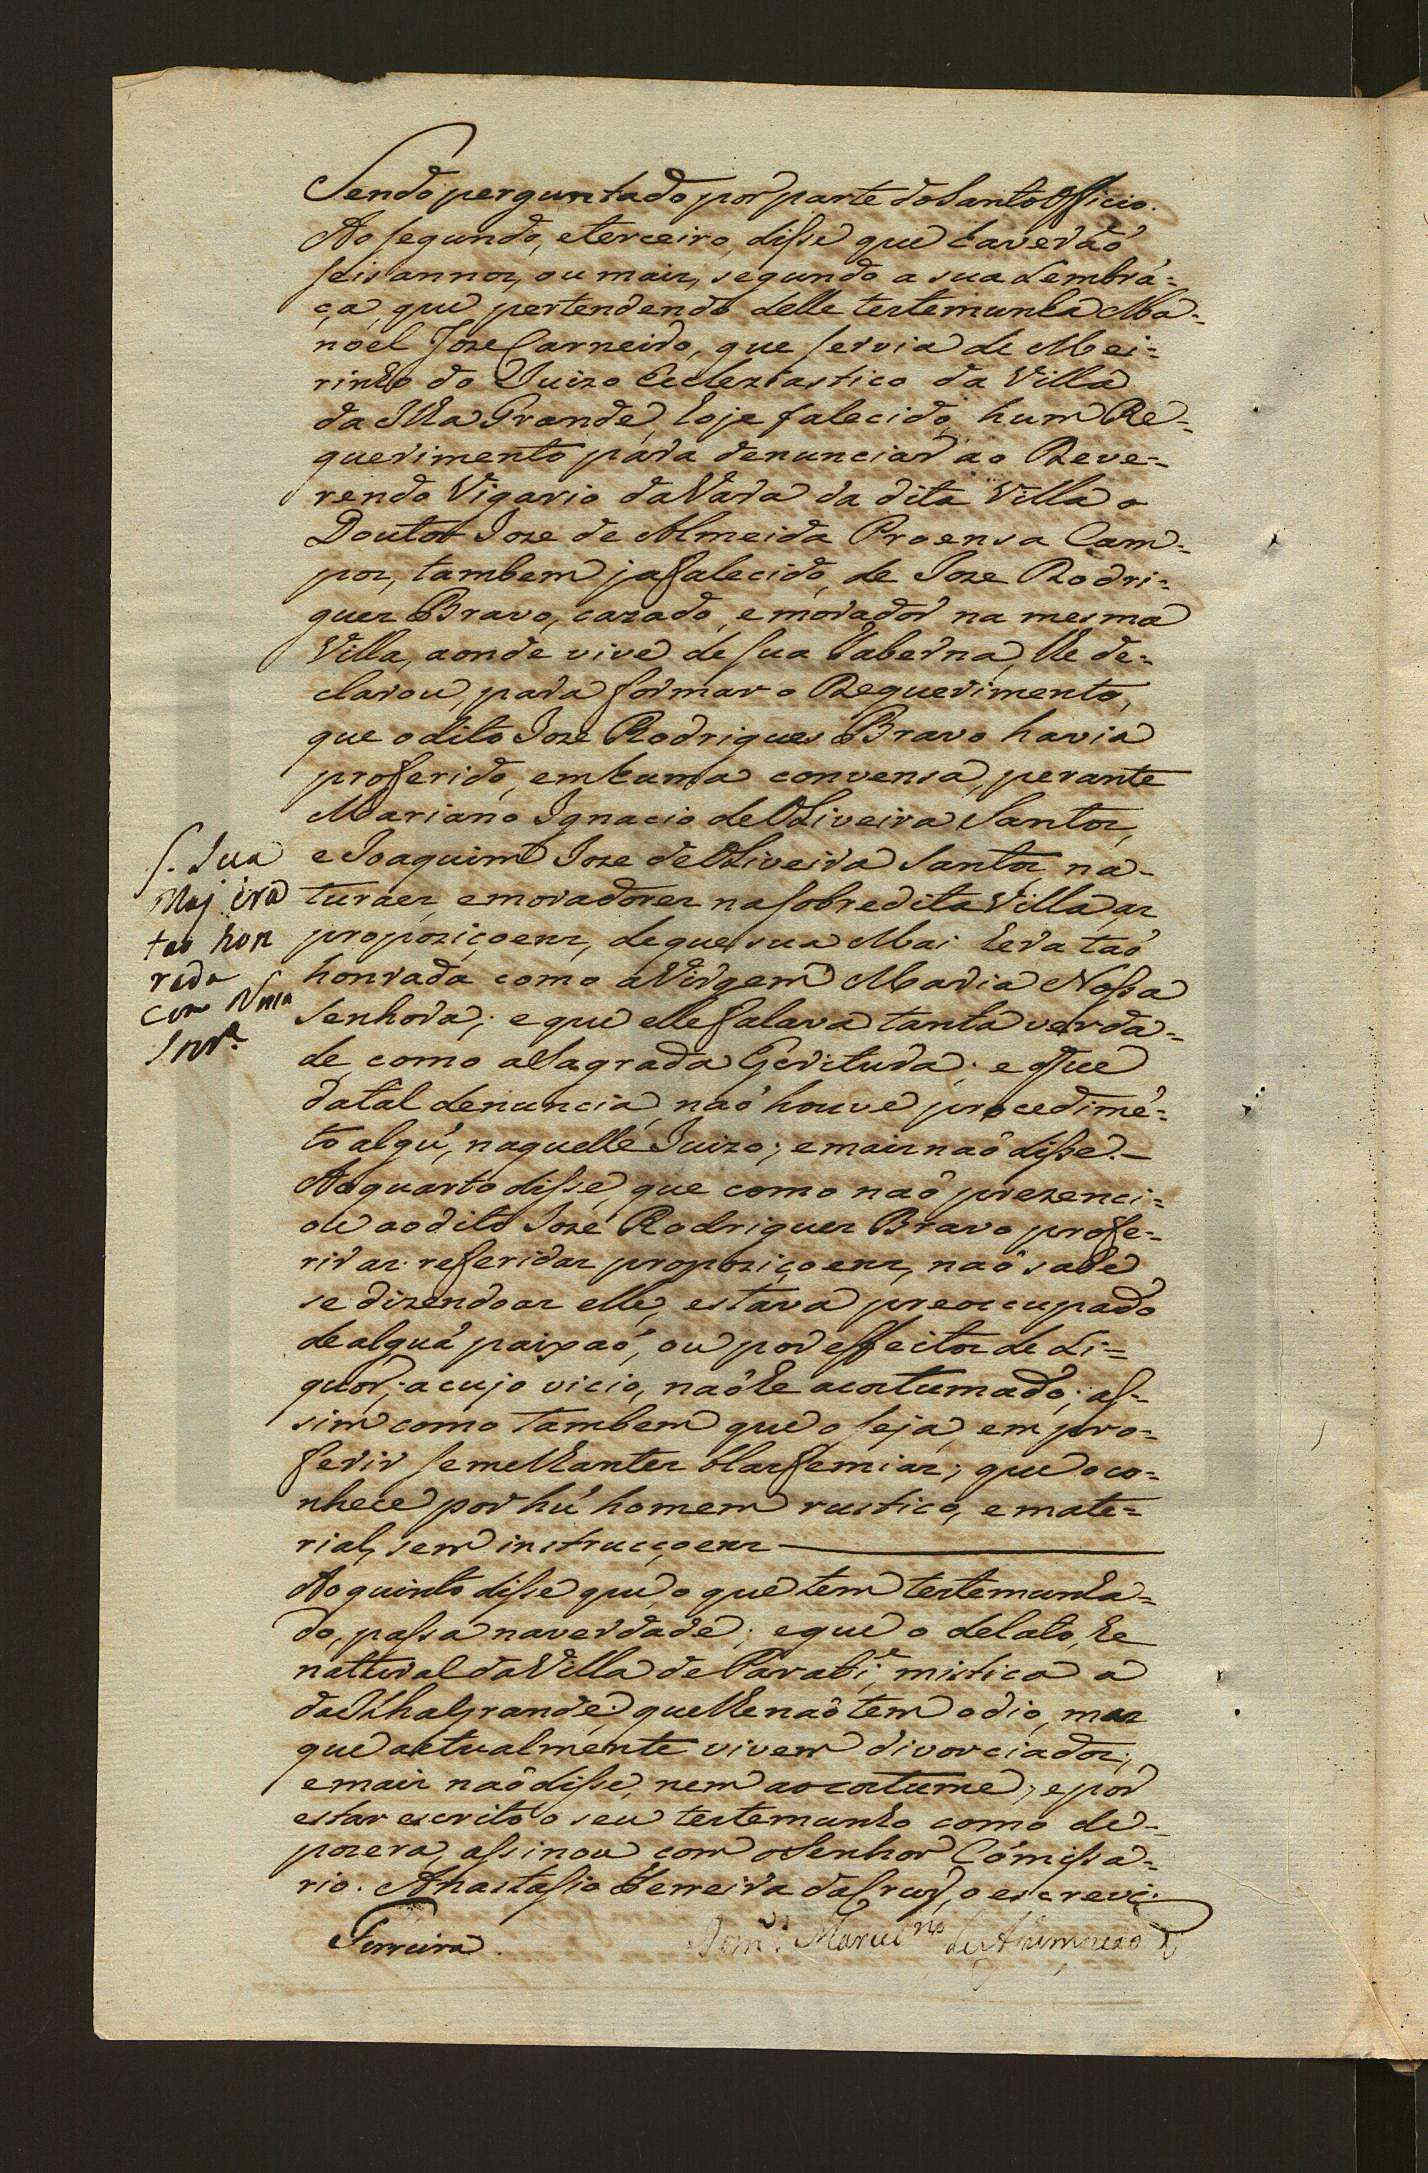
Sendo perguntado por parte do Santo Officio.
Ao segundo, e terceiro, disse que haveraõ
seis annos, ou maiz, segundo a sua Lembrā
ça, que pertendendo delle testemunha Ma
noel Joze Carneiro, que servia de Mei
rinho do Iuizo Eccleziastico da Villa
da Ilha Grande, hoje falecido, hum Re
querimento para denunciar ao Reve
rendo Vigario da Vara da dita Villa o
Doutor Ioze de Almeida Proensa Cam
poz, tambem ja falecido, de Ioze Rodri
guez Bravo, cazado, e morador na mesma
Villa, aonde vive de sua Taberna, lhe de
clarou, para formar o Requerimento,
que o dito Ioze Rodrigues Bravo havia
proferido, em huma convensa, perante
Mariano Ignacio de OLiveira Santoz,
e Ioaquim Ioze de OLiveira Santoz na
s. sua
Maj era
taõ hon
rada
como Nossa
snr.a
turaez, e moradorez na sobredita Villa az
propoziçoenz, de que sua Mai hera taõ
honrada como a Virgem Maria Nossa
senhora; e que elle falava tanta verda
de como a Sagrada Escritura; e que
da tal denuncia naõ houve procedimē
to algū, naquelle Iuizo; e maiz naõ disse.
Ao quarto disse, que como naõ prezenci
ou ao dito Iozé Rodriguez Bravo profe
rir as referidaz propoziçoenz naõ sabe
se dizendoaz elle, estava preoccupado
de alguā paixaõ, ou por effeitoz de Li
quor; a cujo vicio, naõ he acostumado; as
sim como tambem que o seja em pro
ferir semelhantes blasfemiaz; que o co
nhece por hū homem rustico, e mate
rial, sem instrucçoenz
Ao quinto disse que o que tem testemunha
do, passa na verdade; e que o delato, he
natural da Villa de Parati; mistica a
da Ilha Grande, que lhe naõ tem odio, mas
que actualmente vivem divorciadoz,
e maiz naõ disse, nem ao costume, e por
estar escrito o seu testemunho como de
pozera, assinou com o Senhor Cōmissa
rio. Anastasio Ferreira da Cruz, o escrevi
Ferreira
Dom.os Marcel.no de Assumpçao
